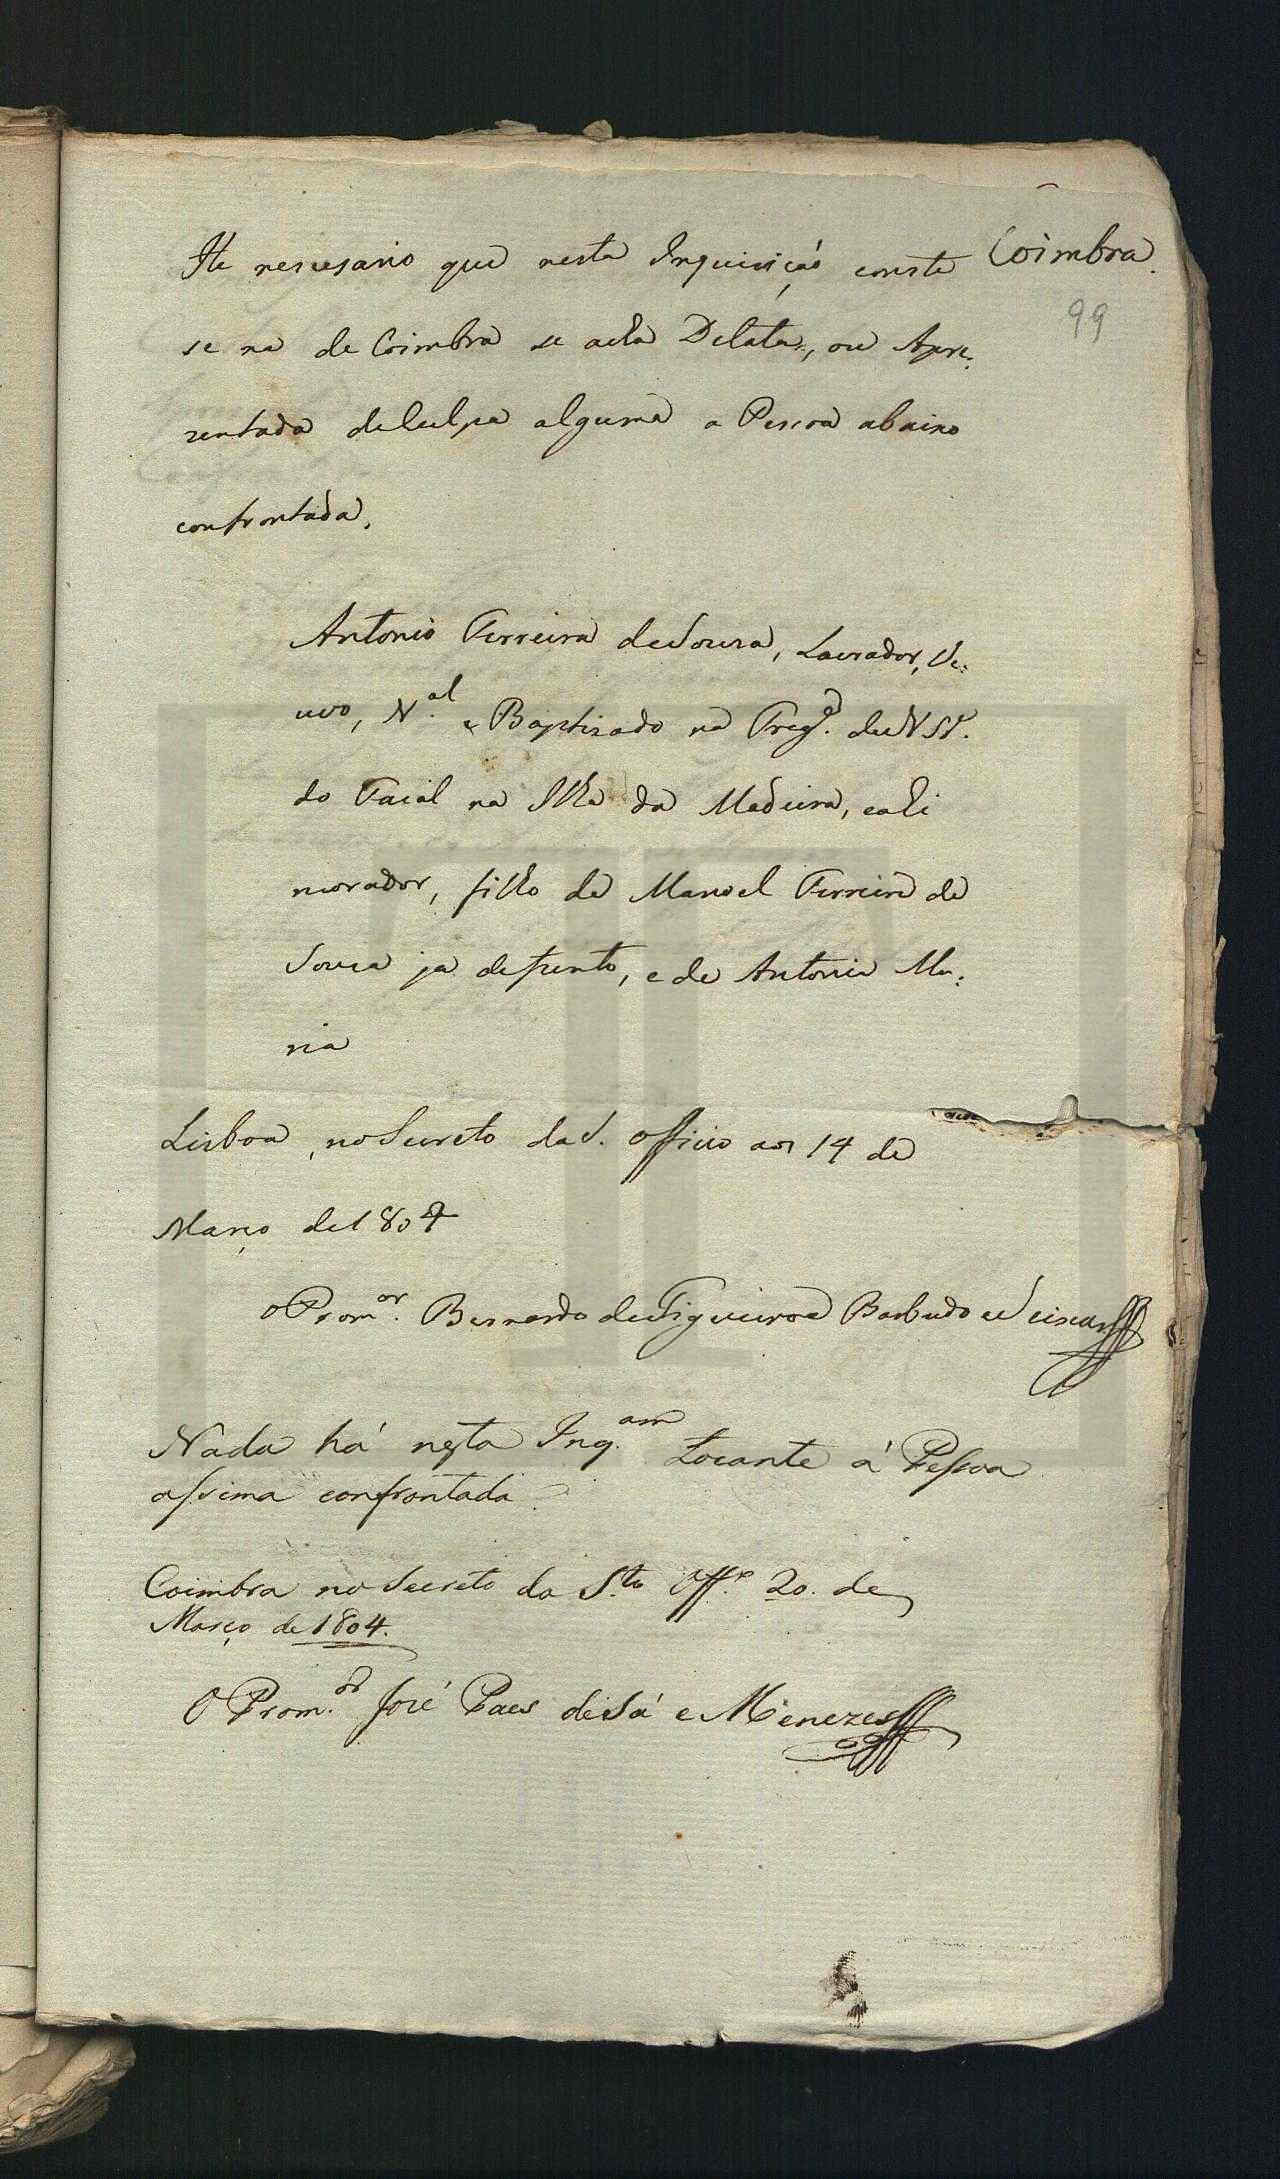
He nescesario que nesta Inquiziçaõ conste
Coimbra.
se na de Coimbra se acha Delata, ou Apre
zentada de Culpa alguma a Pessoa abaixo
confrontada,
Antonio Ferreira de Souza, Lavrador, Ve
uvo, N.al e Baptizado na Freg.a de N Sr.a
do Faial na Ilha da Madeira, e ahi
morador, filho de Manoel Ferreira de
Souza ja defunto, e de Antonia Ma
ria
Lisboa, no Secreto do S. officio aos 14 de
Março de 1804
o Prom.or Bernardo de Figueiroa Barbudo e Seixas
Nada há nesta Inq.am tocante á Pessoa
assima confrontada
Coimbra no Secreto do S.to Off.o 20. de
Março de 1804.
O Prom.or Jozé Paes de Sá e Menezes
